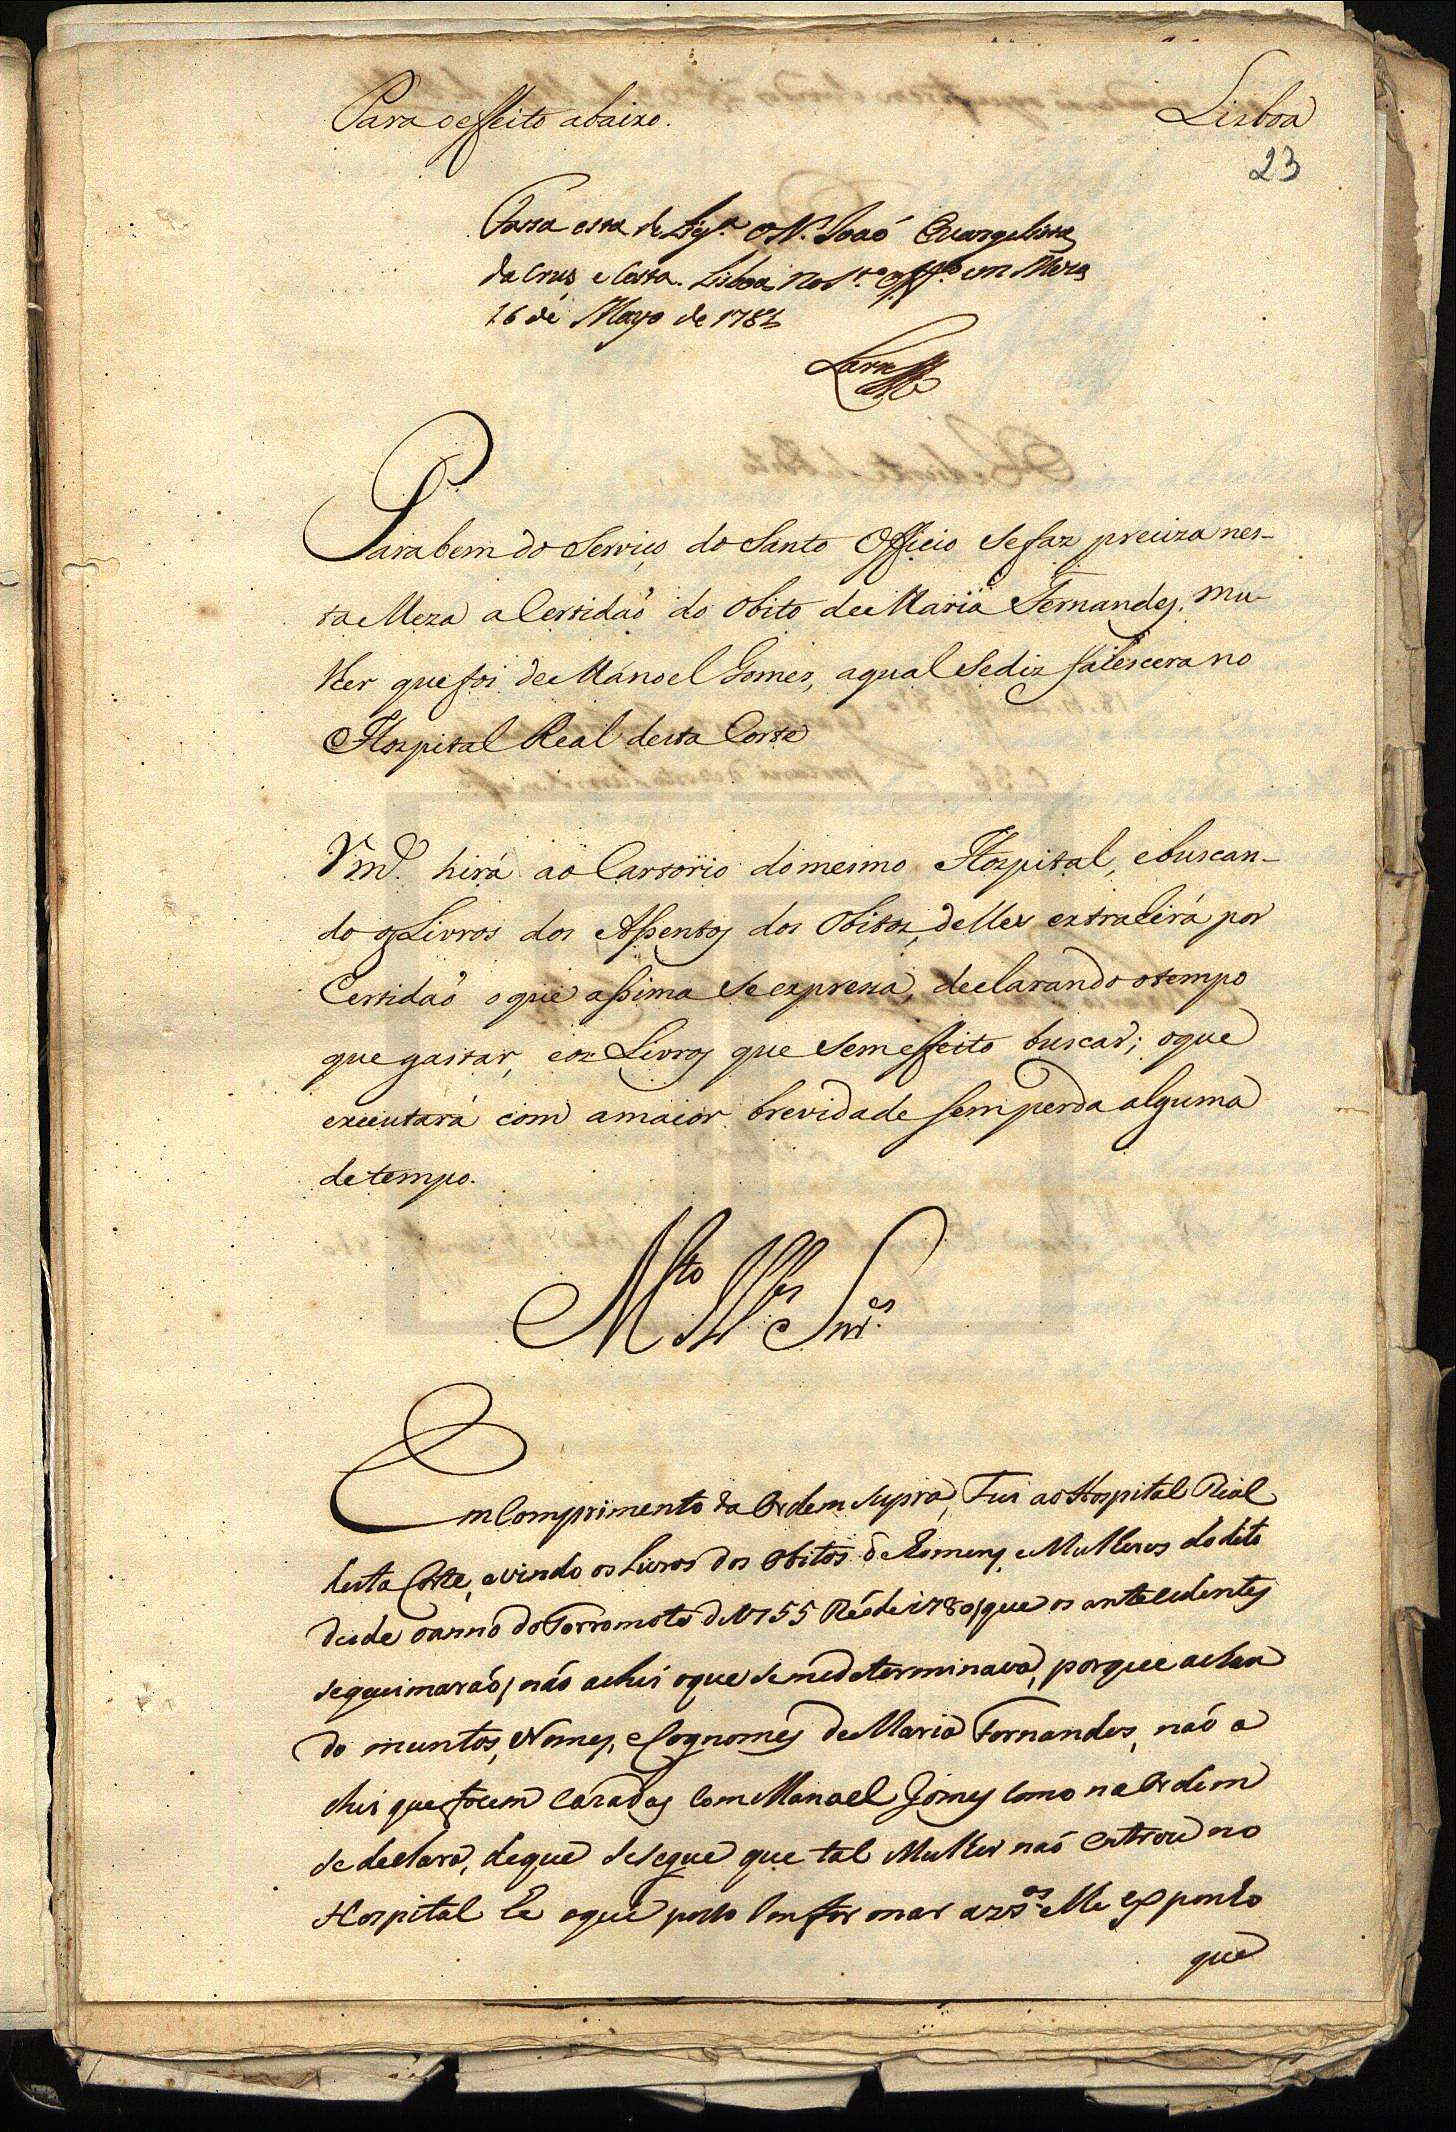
Lisboa
Para o effeito abaixo.
Para esta delig.a o N. Ioaõ Evangelista
da Crus e Costa. Lisboa no S.to Off.o em Meza
16 de Mayo de 1785
Para bem do Serviço do Santo Officio se faz preciza nes
ta Meza a Certidaõ do obito de Maria Fernandes, mu
lher, que foi de Manoel Gomes, a qual se diz falescera no
Hospital Real desta Corte
V m.e hirá ao Cartorio do mesmo Hospital, e buscan
do os Livros dos Assentos dos Obitos, delles extrahirá por
Certidaõ o que assima se expressa, declarando o tempo
que gastar, e os Livros que sem effeito buscar; o que
executará com a maior brevidade sem perda alguma
de tempo.
M.to Ill.os Snr.es
Em Comprimento da Ordem supra, Fui ao Hospital Rial
desta Corte, e vindo os Livros dos Obitos de homens, e Mulheres do dito
desde o anno do Terramoto de 1755 thé o de i780/ que os antecedentes
se queimaraõ/ não achei o que se me determinava, porque achan
do muntos, Nomes, e Cognomes de Maria Fernandes, naõ a
chei que focem cazadas com Manoel Gomes como na Ordem
se declara, de que se segue que tal Mulher naõ entrou no
Hospital he o que posso Conformar a v s.as e lhe exponho
que
